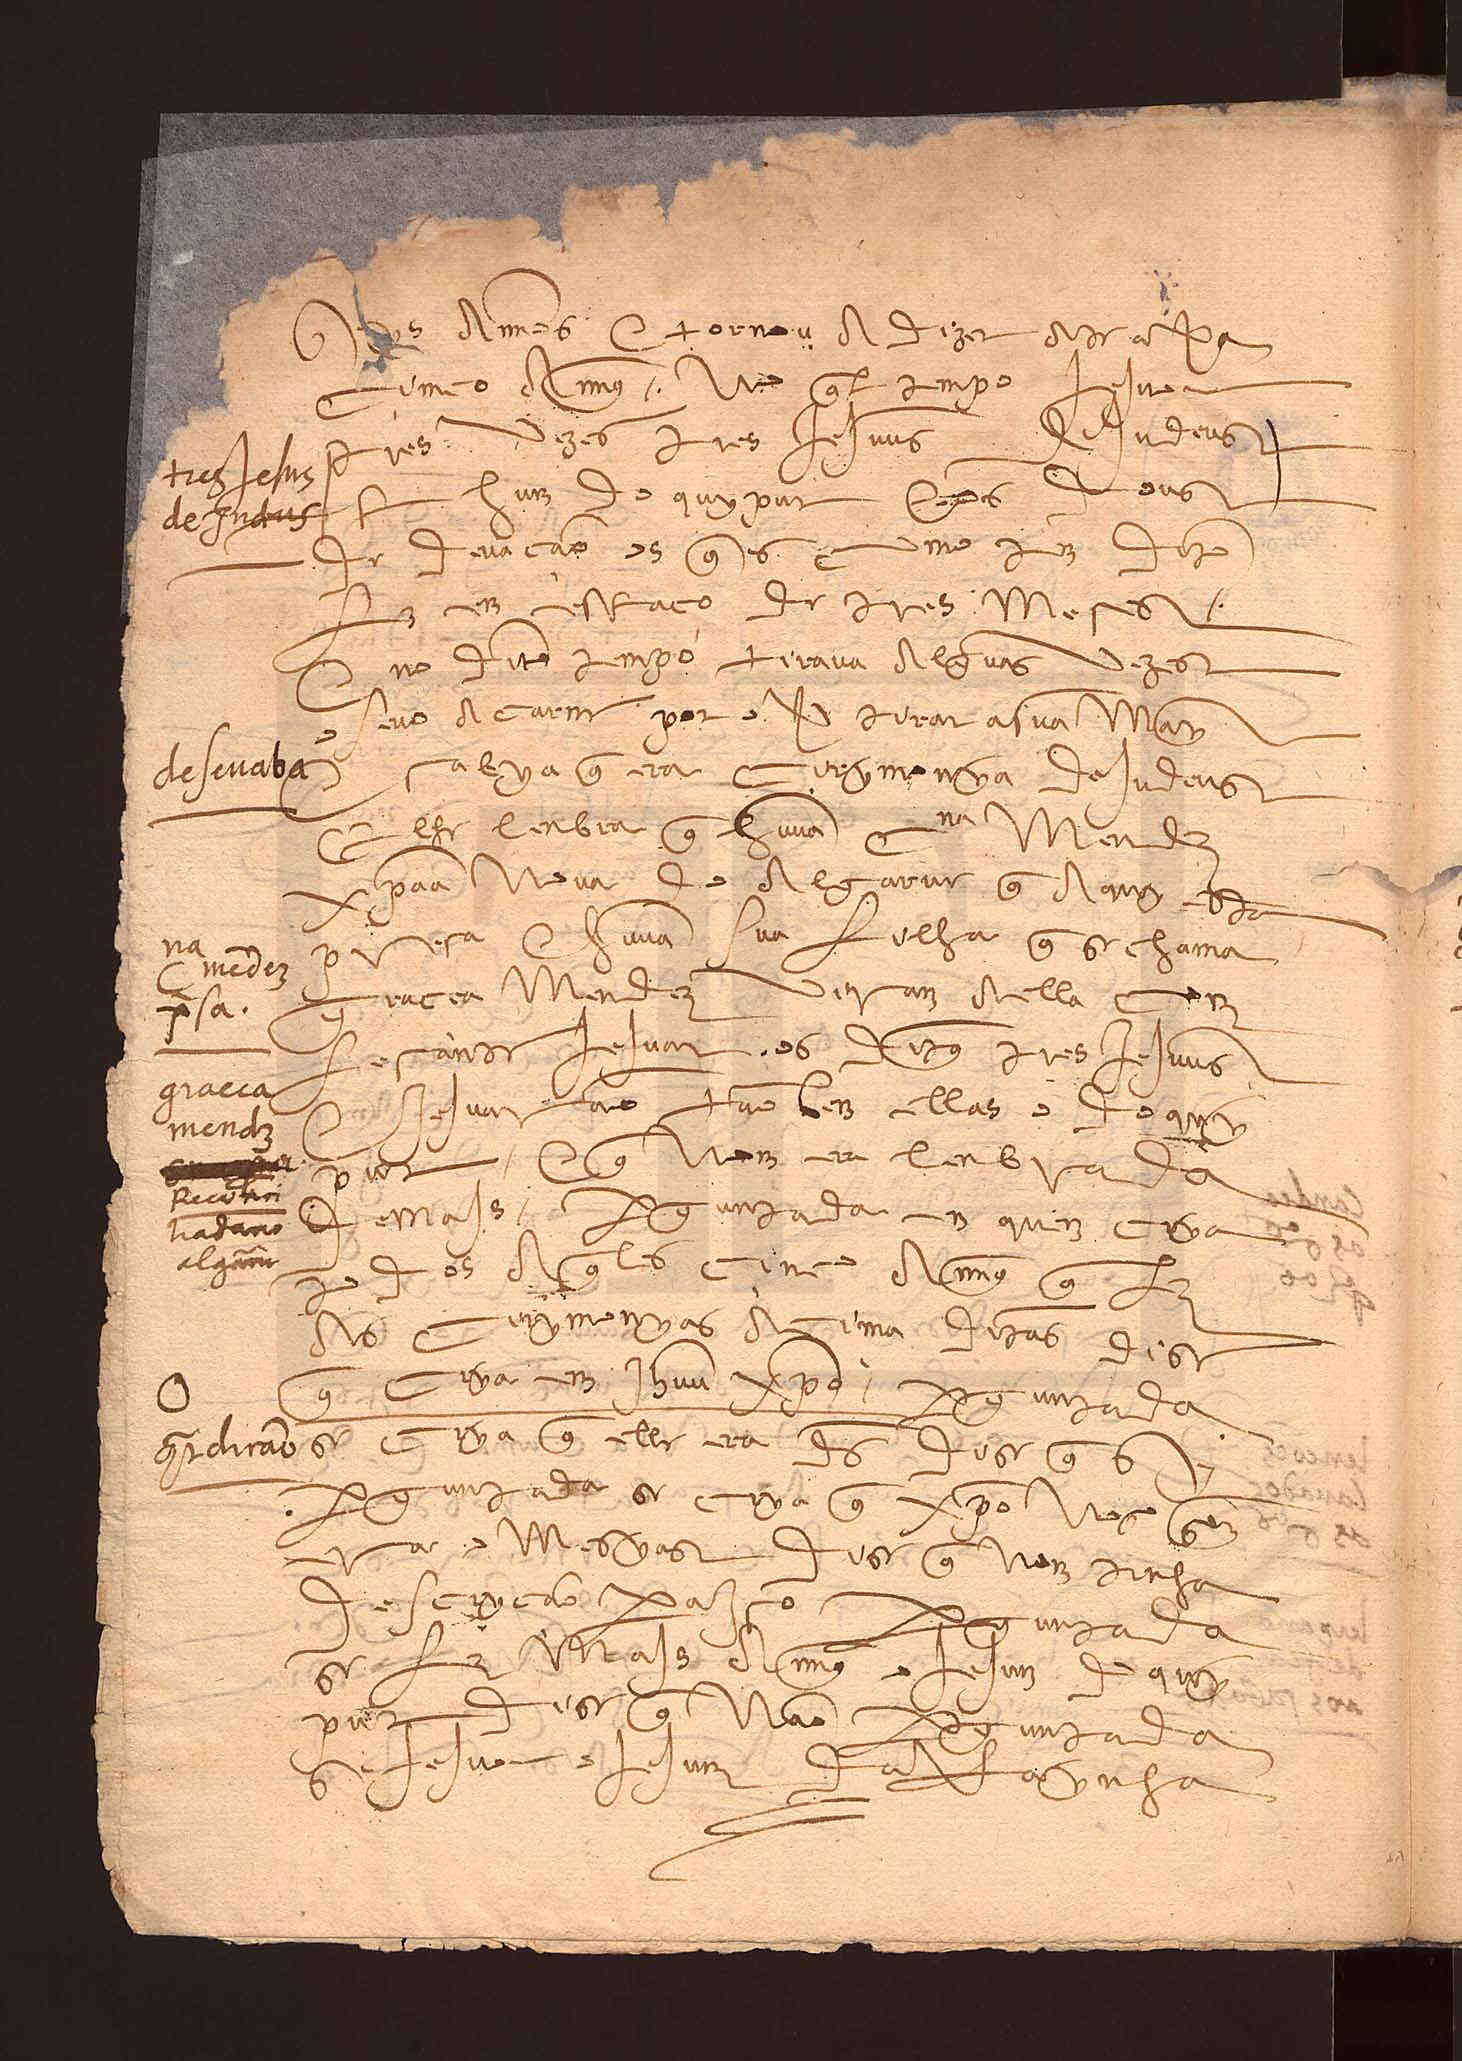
tres Jejus
de Judeus
de seuaba
Cna mēdez
p̄sa
gracia
mendz
Reconci
liada no
algāue
O
ꝯ̄tdição
seys An̄nos e tornou A dizer Ate aꝟa
Cinco An̄nꝯ /. No q̄l tempo Jejuou
tres vezes tres JeJūus de Judeus
s. hum do quypur e os dous
de deuaçaõ os q̄es como tem dito
fez em espaço de tres Meses /.
e no dito tempo tiraua Algūas vezes
o seuo A carne por o ꝟ tirar a sua Mãy
e sabya q̄ era Cirymonȳa de Judeus
E lhe lenbra q̄ hūua Cna Mendez
xp̄aa Noua do Algarue q̄ Aquy esta
presa e hūua sua filha q̄ se chama
gracea Mendez viram A ella com
fesante JeJuar os ditꝯ tres JeJūus
e Jejuarão tãobem ellas o do quy
pur / e q̄ nom era lenbrada
de maJs / ꝑguntada em quem crya
todos Aq̄les cinco Annꝯ q̄ fez
As Cerymonyas Acima ditas dise
q̄ crya em Jhuu xp̄o / ꝑguntada
se crya q̄ elle era d̄s dise q̄ sy
ꝑguntada se crya q̄ xp̄o Noso s̄or
era o Mesyas dise q̄ nom tinha
descryção ꝑa Jso ꝑguntada
se fez maJs Annꝯ o JeJum do quy
pur dise q̄ Não ꝑguntada
se JeJuou o JeJum da Raynha
